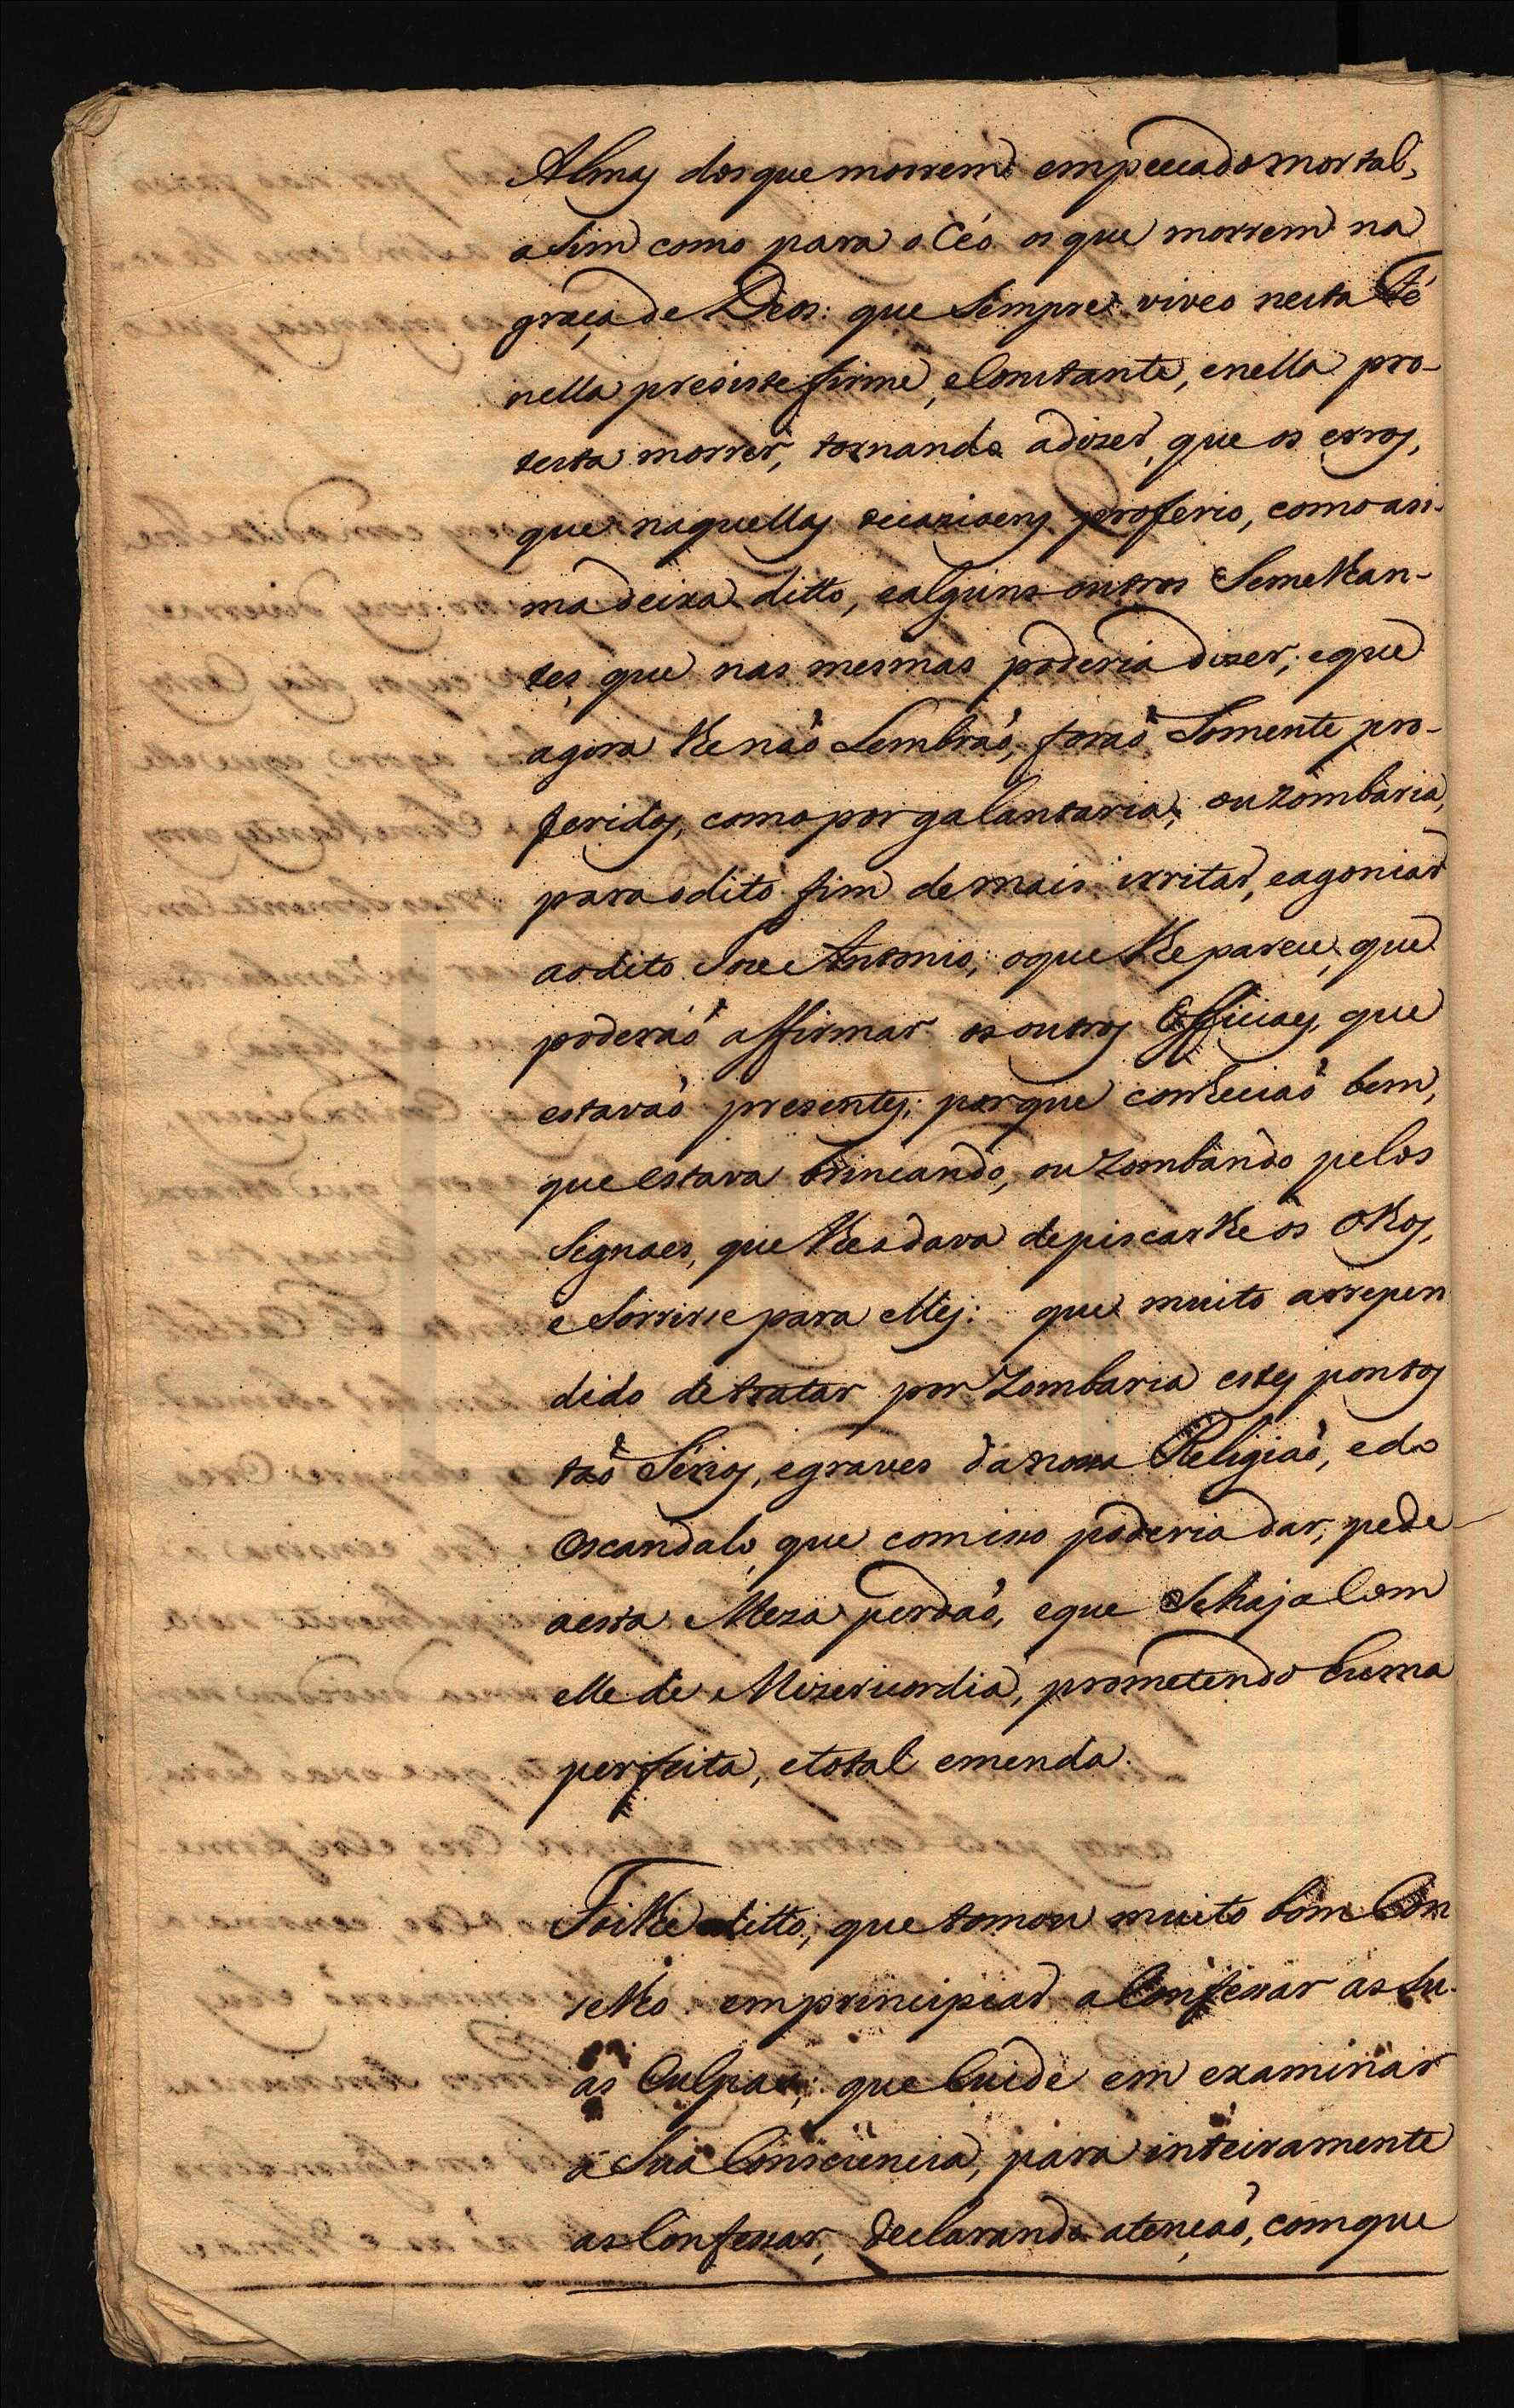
Almas dos que morrem em peccado mortal,
asim como para o céo os que morrem na
graça de Deos: que sempre viveo nesta Fé
nella presiste firme, e Constante, e nella pro
testa morrer, tornando a dizer, que os erros,
que naquellas occazioens proferio, como asi
ma deixa ditto, e alguns outros Semelhan
tes, que nas mesmas poderia dizer; e que
agora lhe naõ Lembraõ, foraõ somente pro
feridos, como por galantaria; ou zombaria,
para o dito fim de mais irritar, e agoniar
ao dito Ioze Antonio; o que lhe parece, que
poderaõ affirmar os outros Officiaes, que
estavaõ presentes; porque conheciaõ bem,
que estava brincando, ou zombando pelos
Signaes, que lhes dava de piscarlhe os olhos,
e sorrirse para elles: que muito arrepen
dido de tratar por Zombaria estes pontos
taõ Serios, e graves da nossa Religiaõ, e do
escandalo, que com isso poderia dar; pede
a esta Meza perdaõ, e que se haja com
elle de Mizericordia, prometendo huma
perfeita, e total emenda.
Foilhe ditto, que tomou muito bom Con
selho em principiar a Confessar as su
as Culpas; que Cuide em examinar
a Sua Consciencia, para inteiramente
as Confessar, declarando a tençaõ, com que
